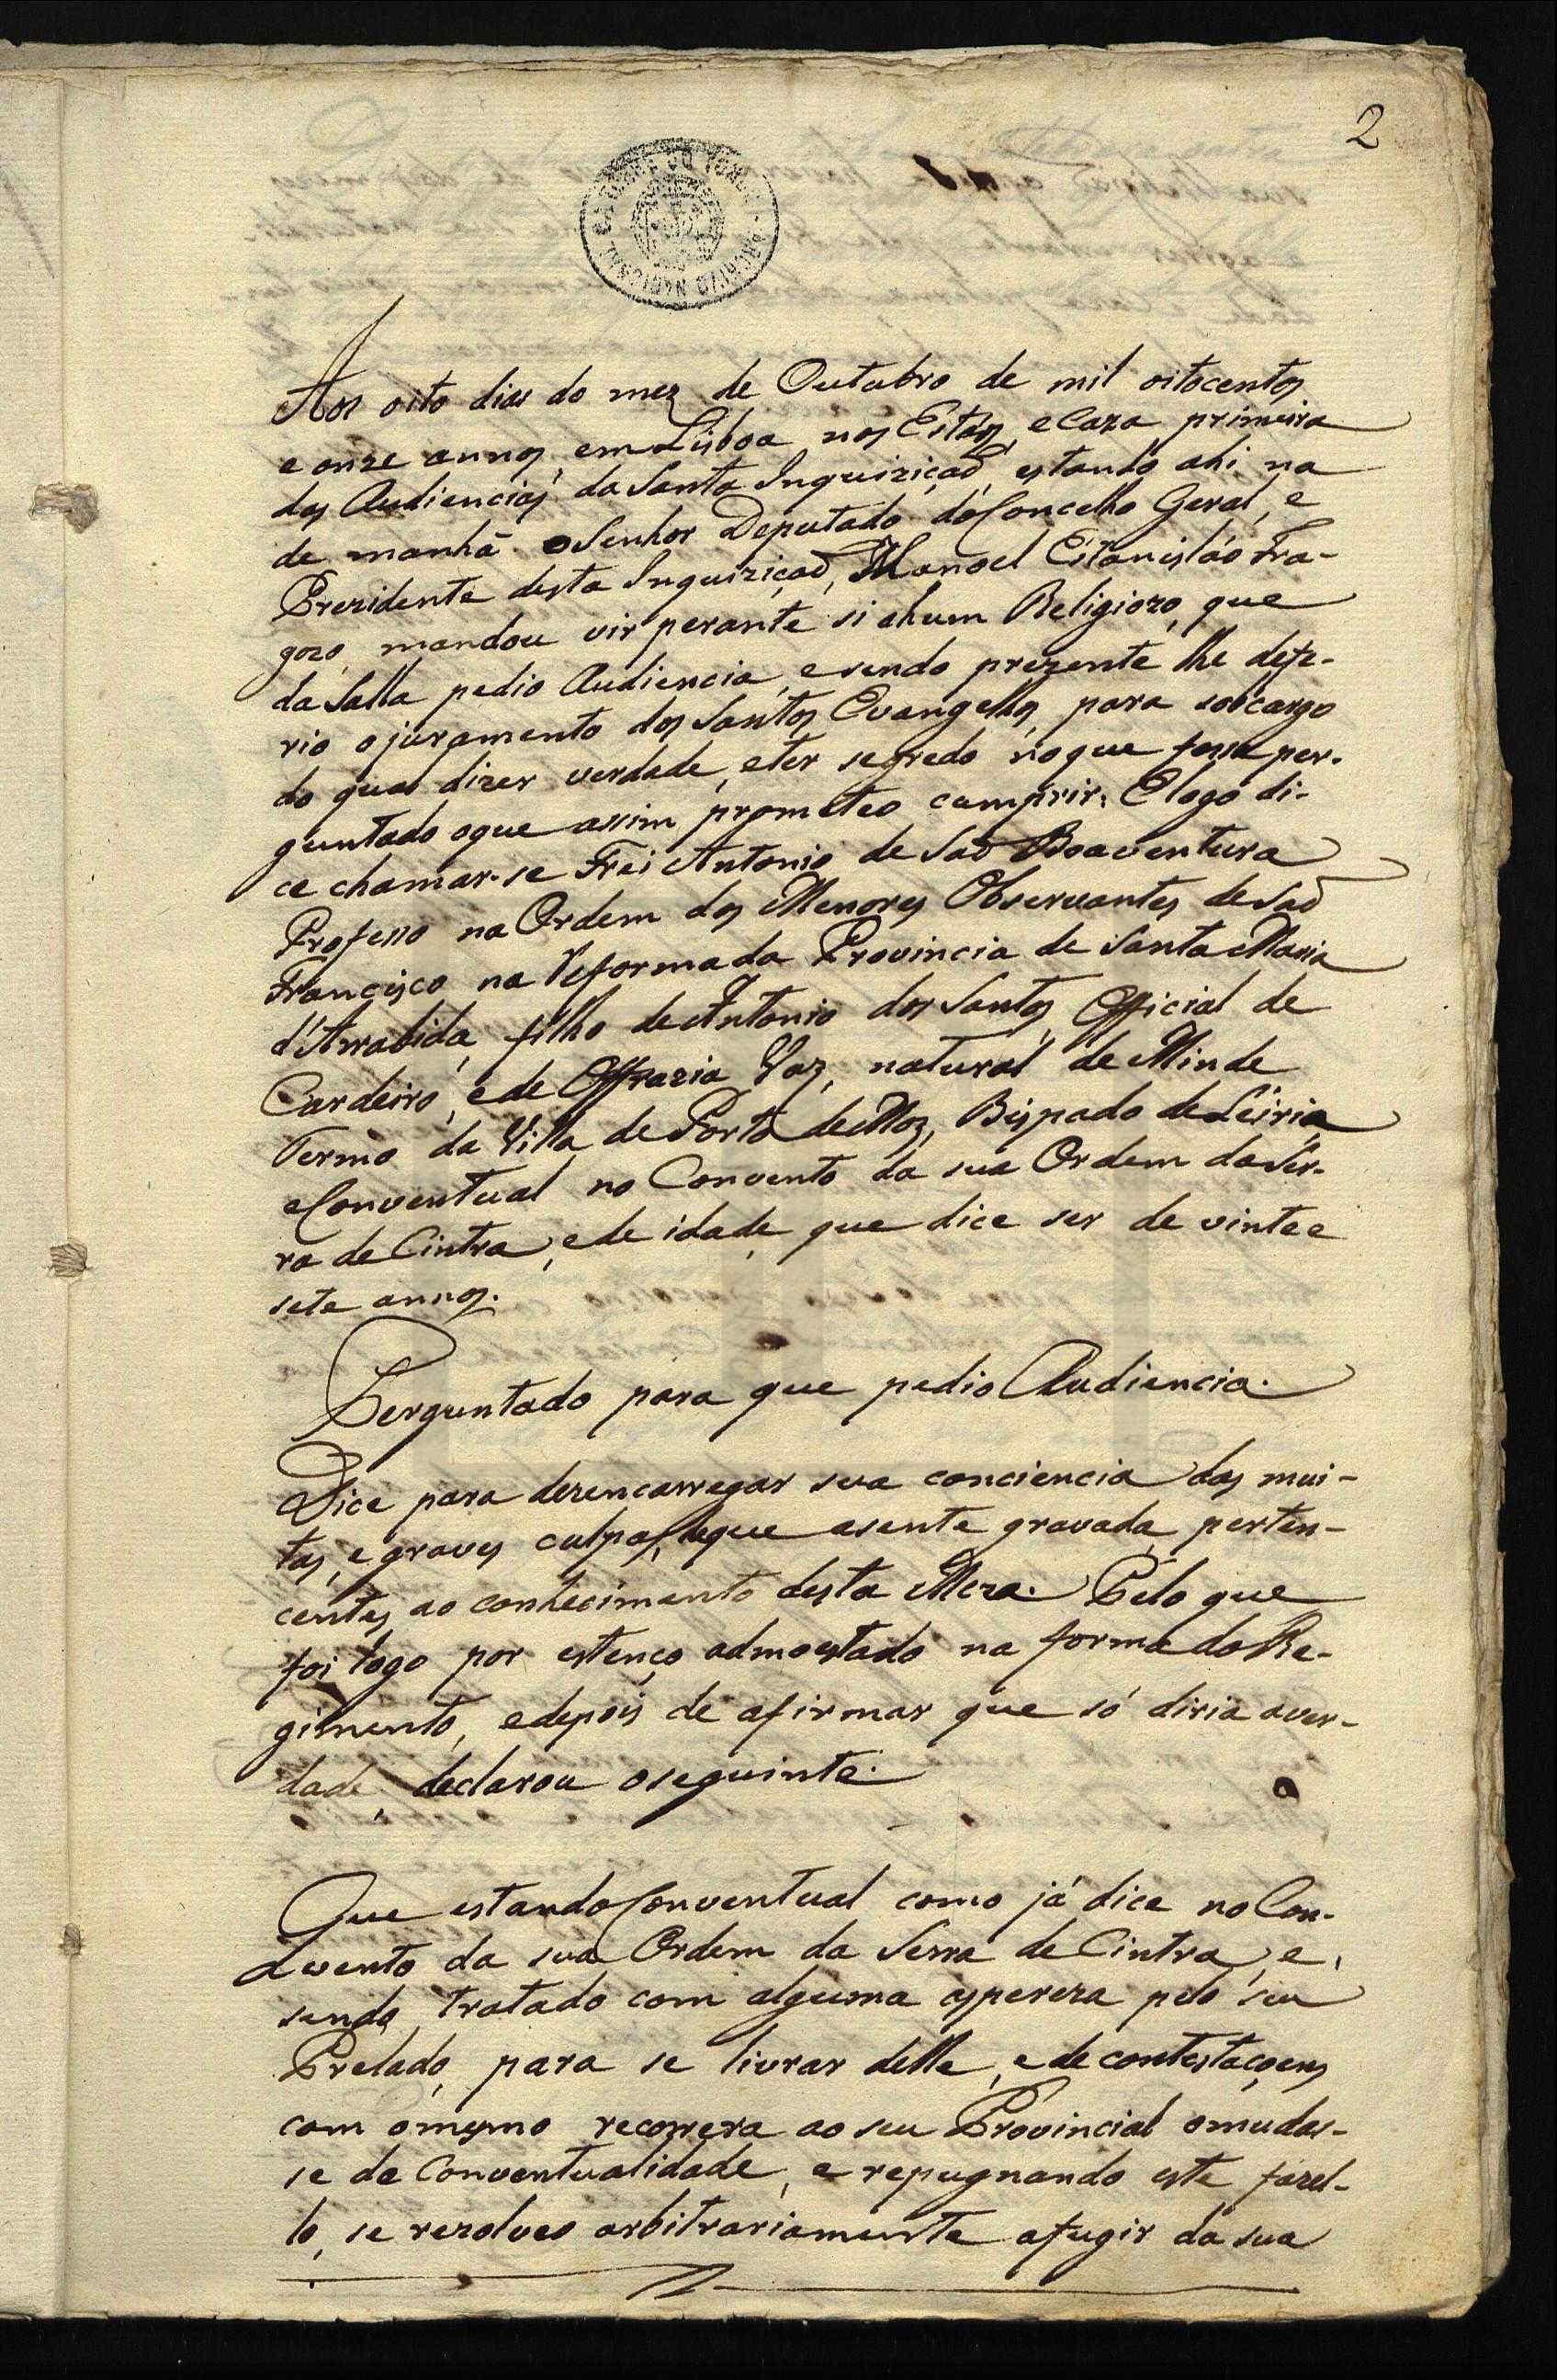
2
Aos oito dias do mez de Outubro de mil oitocentos
e onze annos, em Lisboa nos Estáos, e Caza primeira
das Audiencias da Santa Inquiziçaõ, estando ahi na
de manhã o Senhor Deputado do Concelho Geral, e
Prezidente desta Inquiziçaõ, Manoel Estanisláo Fra
gozo mandou vir perante si a hum Religiozo, que
da Salla pedio Audiencia, e sendo prezente lhe defe
rio o juramento dos Santos Evangelhos, para sob cargo
do qual dizer verdade, e ter segredo no que fosse per
guntado o que assim prometeo cumprir: E logo di
ce chamar-se Frei Antonio de Saõ Boaventura
Professo na Ordem dos Menores Obseruantes de Saõ
Francisco na Reformada Provincia de Santa Maria
d'Arrabida, filho de Antonio dos Santos, Official de
Cardeiro, e de Offrazia Vaz, natural de Minde
Termo da Villa de Porta de Moz, Bispado de Leiria,
e Conventual no Convento da sua Ordem da Ser
ra de Cintra, e de idade que dice ser de vinte e
sete annos.
Perguntado para que pedio Audiencia.
Dice para dezencarregar sua conciencia das mui
tas, e graves culpas, de que a sente gravada, perten
centes ao conhecimento desta Meza. Pelo que
foi logo por estenço admoestado na forma do Re
gimento, e depois de afirmar que só diria a ver
dade, declarou o seguinte.
Que estando Conventual como já dice no Con
vento da sua Ordem da Serra de Cintra, e
sendo tratado com alguma aspereza pelo seu
Prelado, para se livrar delle, e de contestaçoens
com o mesmo recorrera ao seu Provincial o mudas
se de conventualidade, e repugnando este fazel
lo, se rezolveo arbitrariamente a fugir da sua
